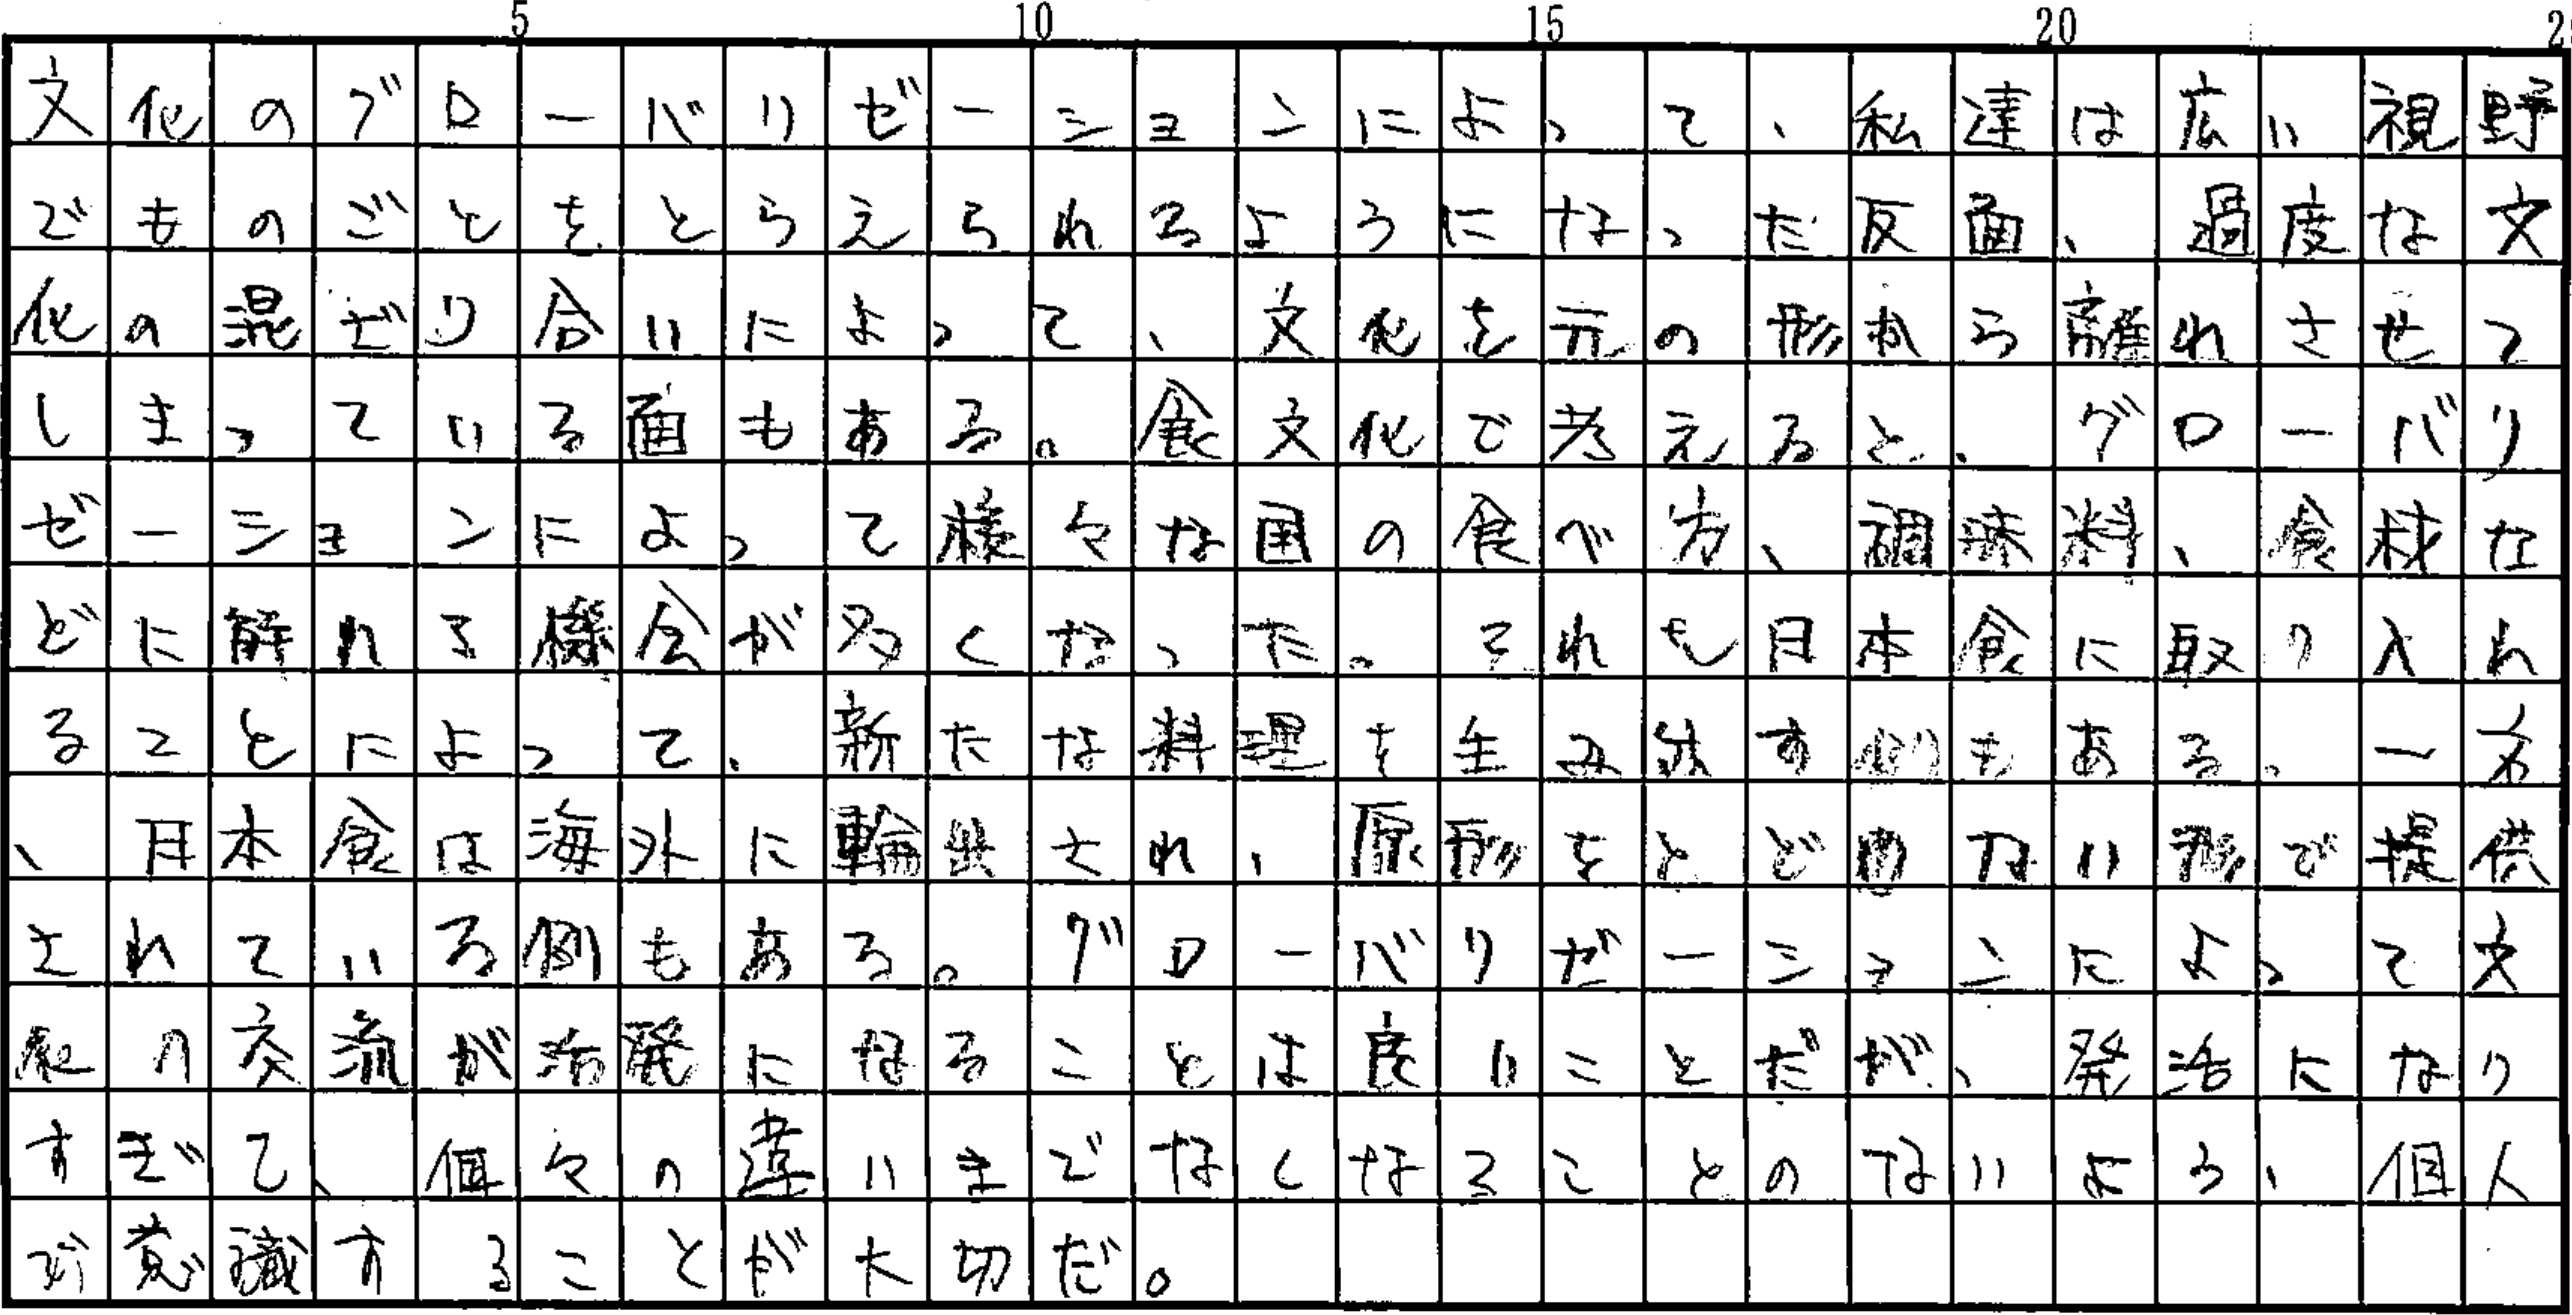文化のグローバリゼーションによって、私達は広い視野でものごとをとらえられるようになった反面、過度な文化の混ざり合いによって、文化を元の形から離れさせてしまっている面もある。食文化で考えると、グローバリゼーションによって様々な国の食べ方、調味料、食材などに▁れる機会が多くなった。それを日本食に取り入れることによって、新たな料理を生み出す例もある。一方、日本食は海外に輪出され、原形をとどめない形で提供されている例もある。グローバリゼーションによって文化の交流が活発になることは良いことだが、発活になりすぎて、個々の違いまでなくなることのないよう、個人で意識することが大切だ。
